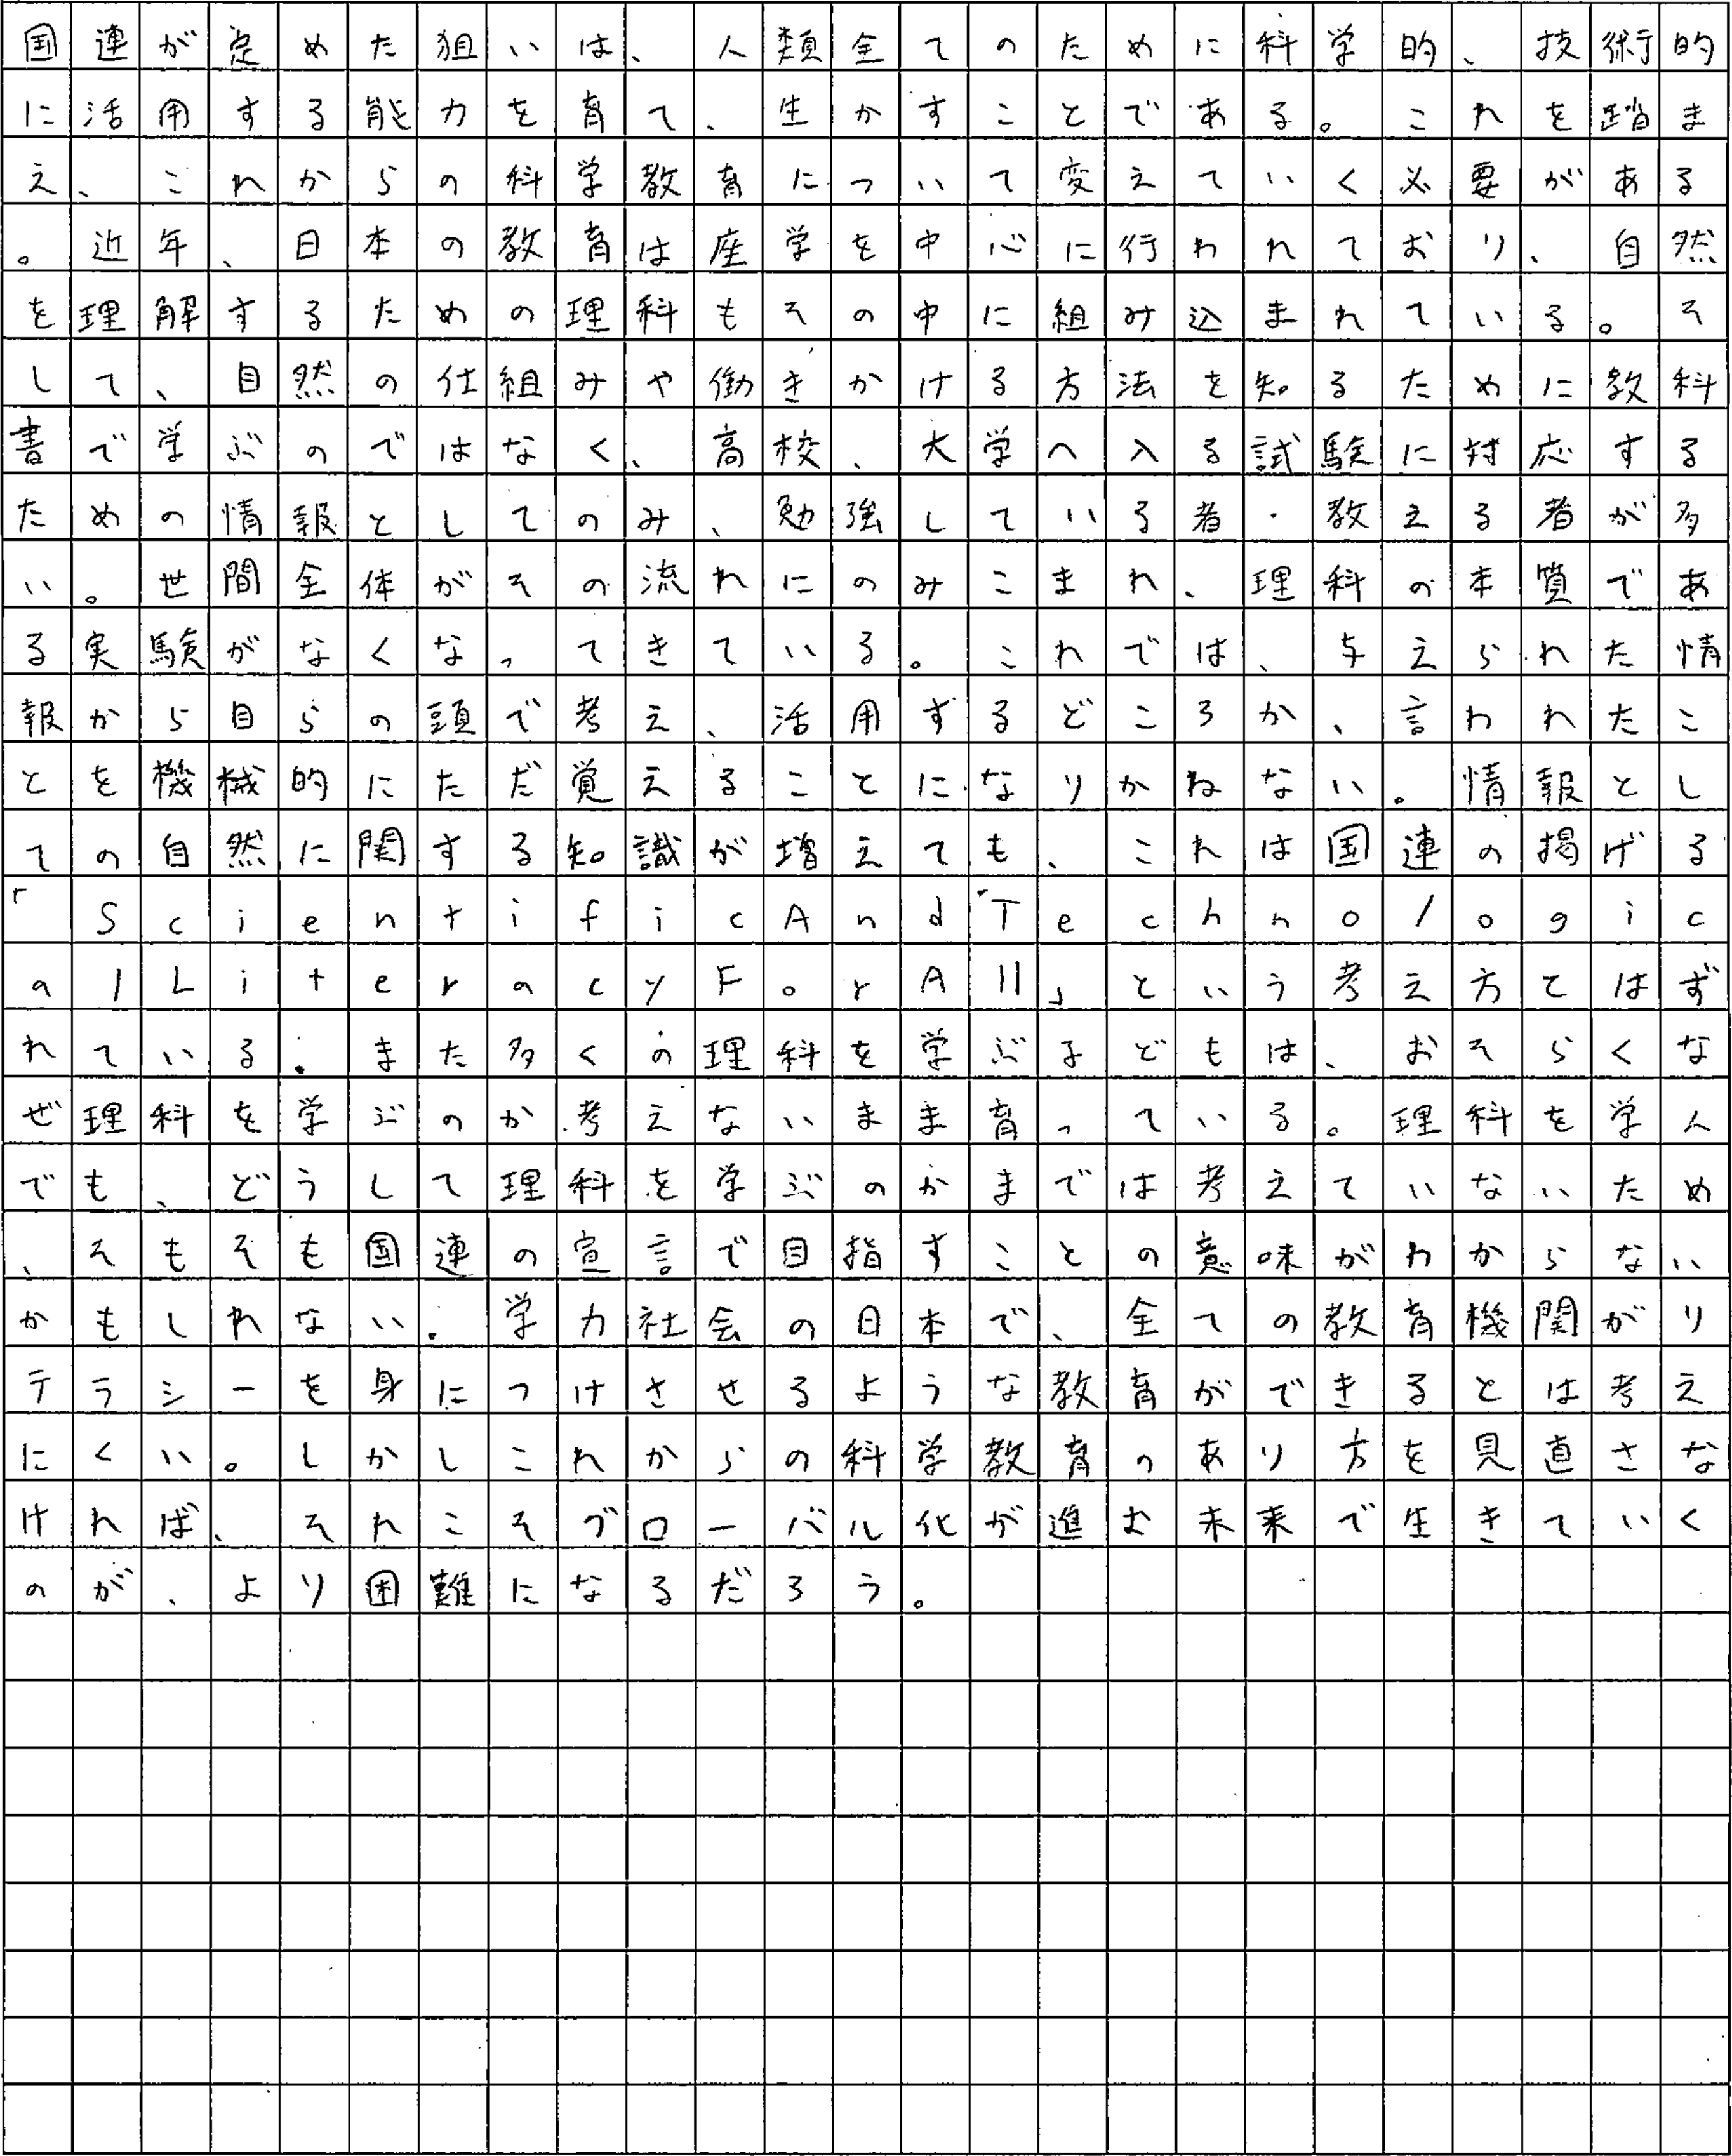国連が定めた狙いは、人類全てのために科学的、技術的に活用する能力を育て、生かすことである。これを踏まえ、これからの科学教育について変えていく必要がある。近年、日本の教育は座学を中心に行われており、自然を理解するための理科もその中に組み込まれている。そして、自然の仕組みや働きかける方法を知るために教科書で学ぶのではなく、高校、大学へ入る試験に対応するための情報としてのみ、勉強している者・教える者が多い。世間全体がその流れにのみこまれ、理科の本質である実験がなくなってきている。これでは、与えられた情報から自らの頭で考え、活用するどころか、言われたことを機械的にただ覚えることになりかねない。情報としての自然に関する知識が増えても、これは国連の掲げる「ＳｃｉｅｎｔｉｆｉｃＡｎｄＴｅｃｈｎｏｌｏｇｉｃａｌＬｉｔｅｒａｃｙＦｏｒＡｌｌ」という考え方とはずれている。また多くの理科を学ぶ子どもは、おそらくなぜ理科を学ぶのか考えないまま育っている。理科を学んでも、どうして理科を学ぶのかまでは考えていないため、そもそも国連の宣言で目指すことの意味がわからないかもしれない。学力社会の日本で、全ての教育機関がリテラシーを身につけさせるような教育ができるとは考えにくい。しかしこれからの科学教育のあり方を見直さなければ、それこそグローバル化が進む未来で生きていくのが、より困難になるだろう。
